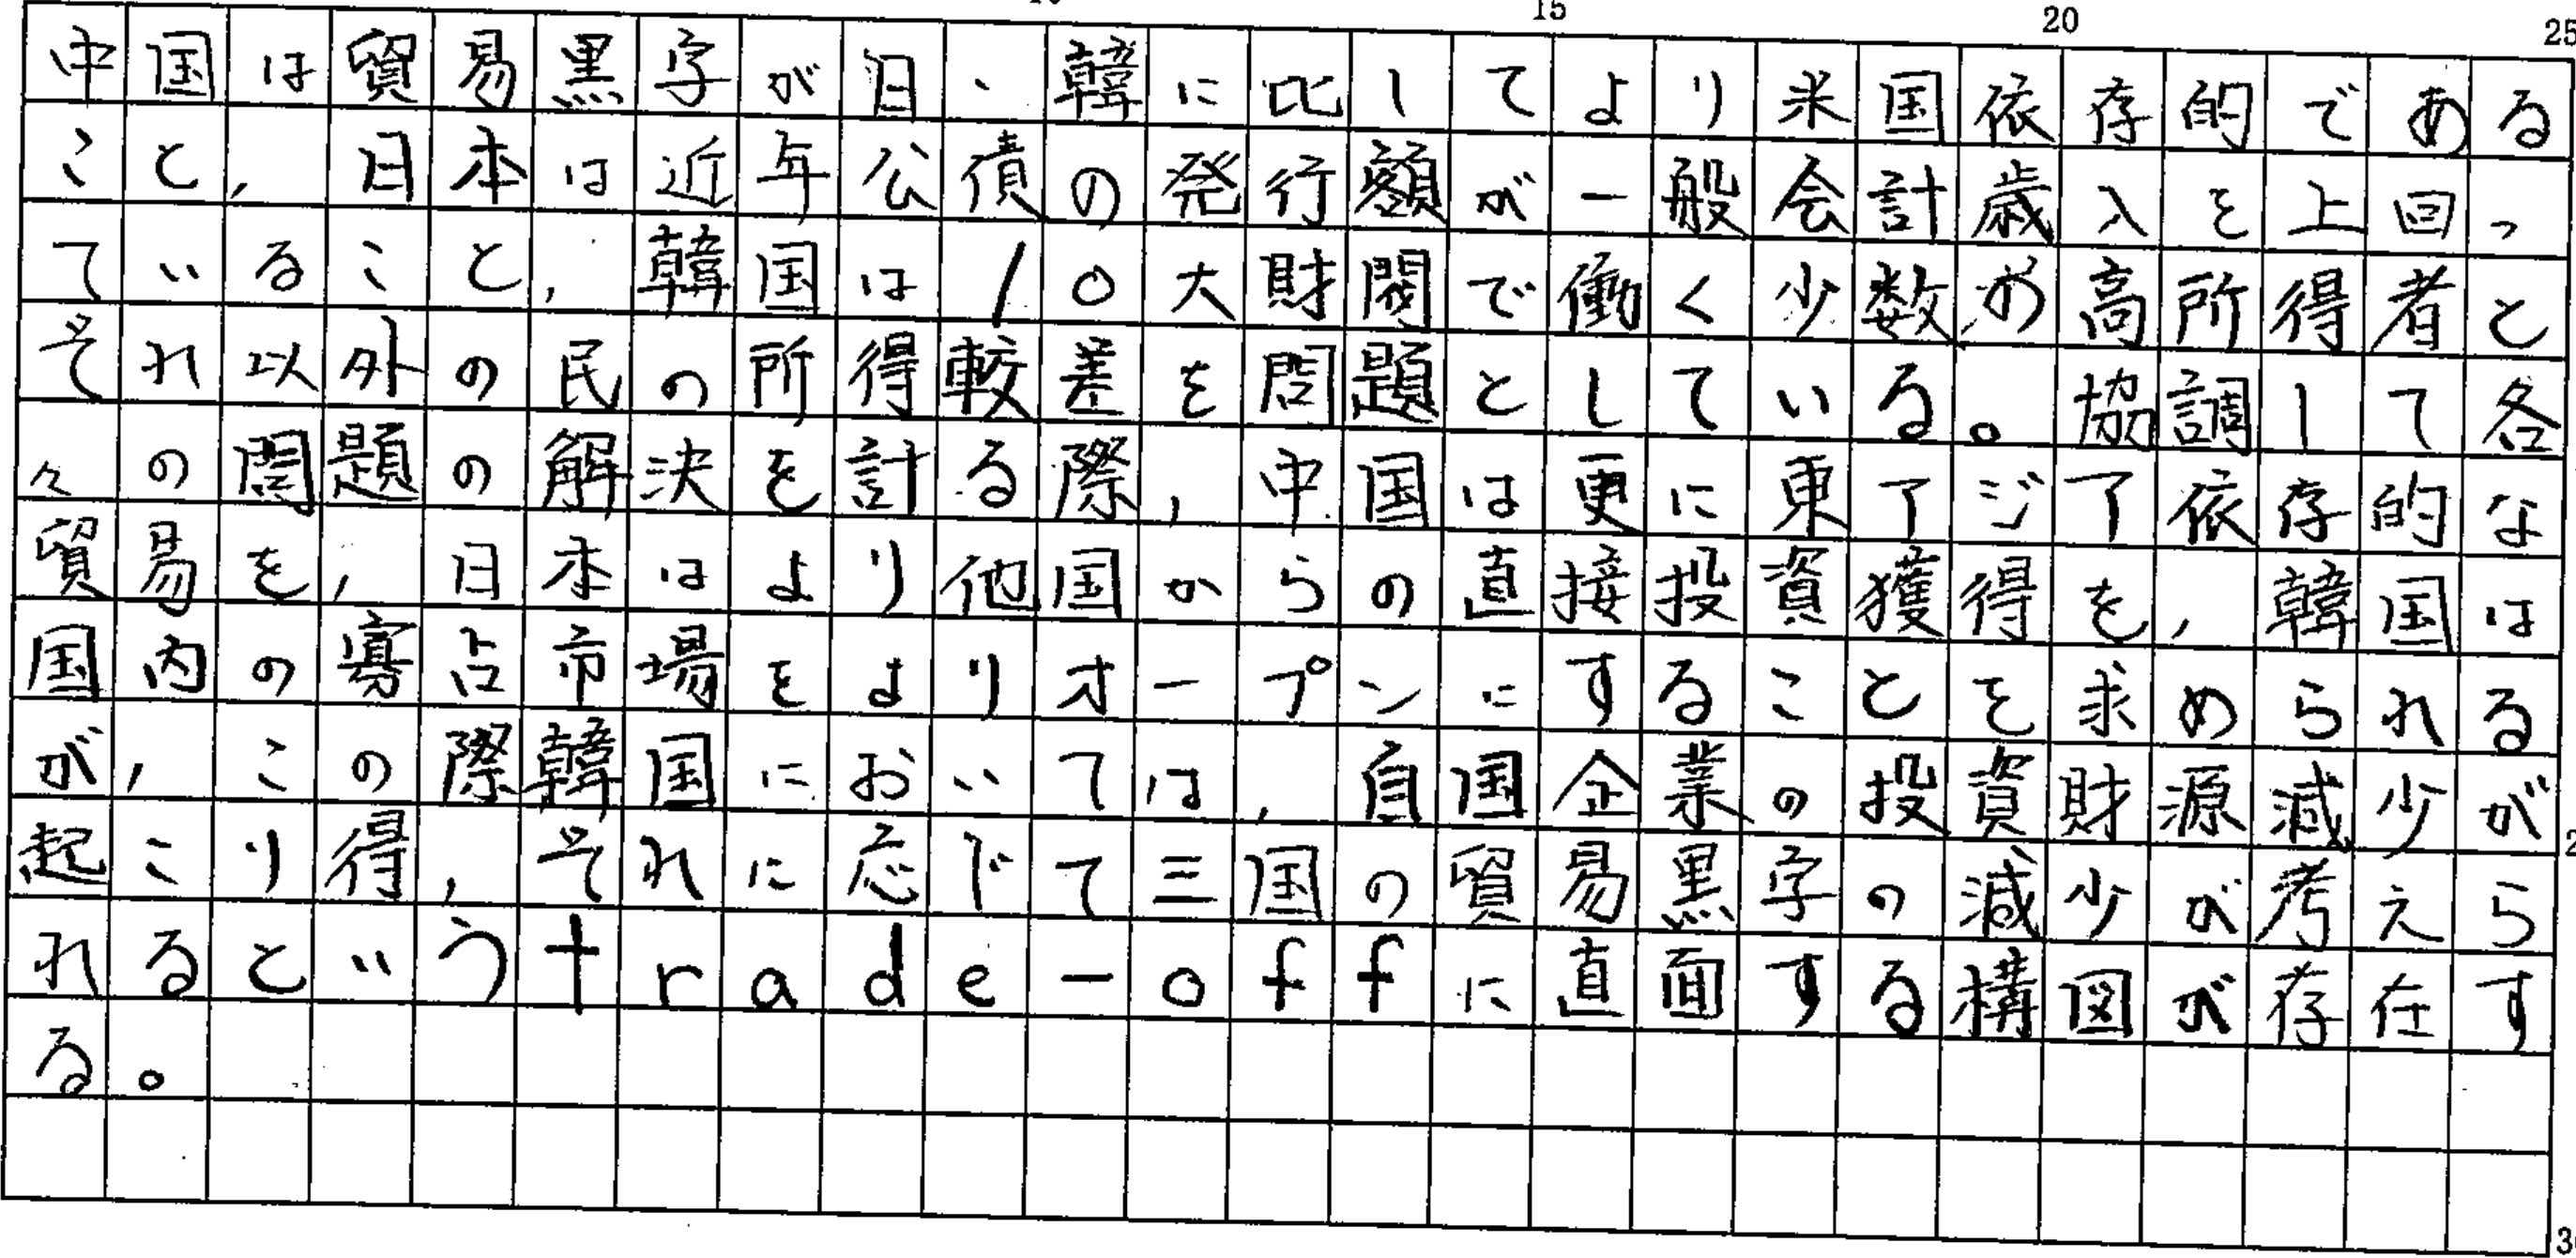中国は貿易黒字が日・韓に比してより米国依存的であること，日本は近年公債の発行額が一般会計歳入を上回っていること，韓国は１０大財閥で働く少数の高所得者とそれ以外の民の所得較差を問題としている。協調して各々の問題の解決を計る際，中国は更に東アジア依存的な貿易を，日本はより他国からの直接投資獲得を，韓国は国内の寡占市場をよりオープンにすることを求められるが，この際韓国においては，自国企業の投資財源減少が起こり得，それに応じて三国の貿易黒字の減少が考えられるというｔｒａｄｅ－ｏｆｆに直面する構図が存在する。
